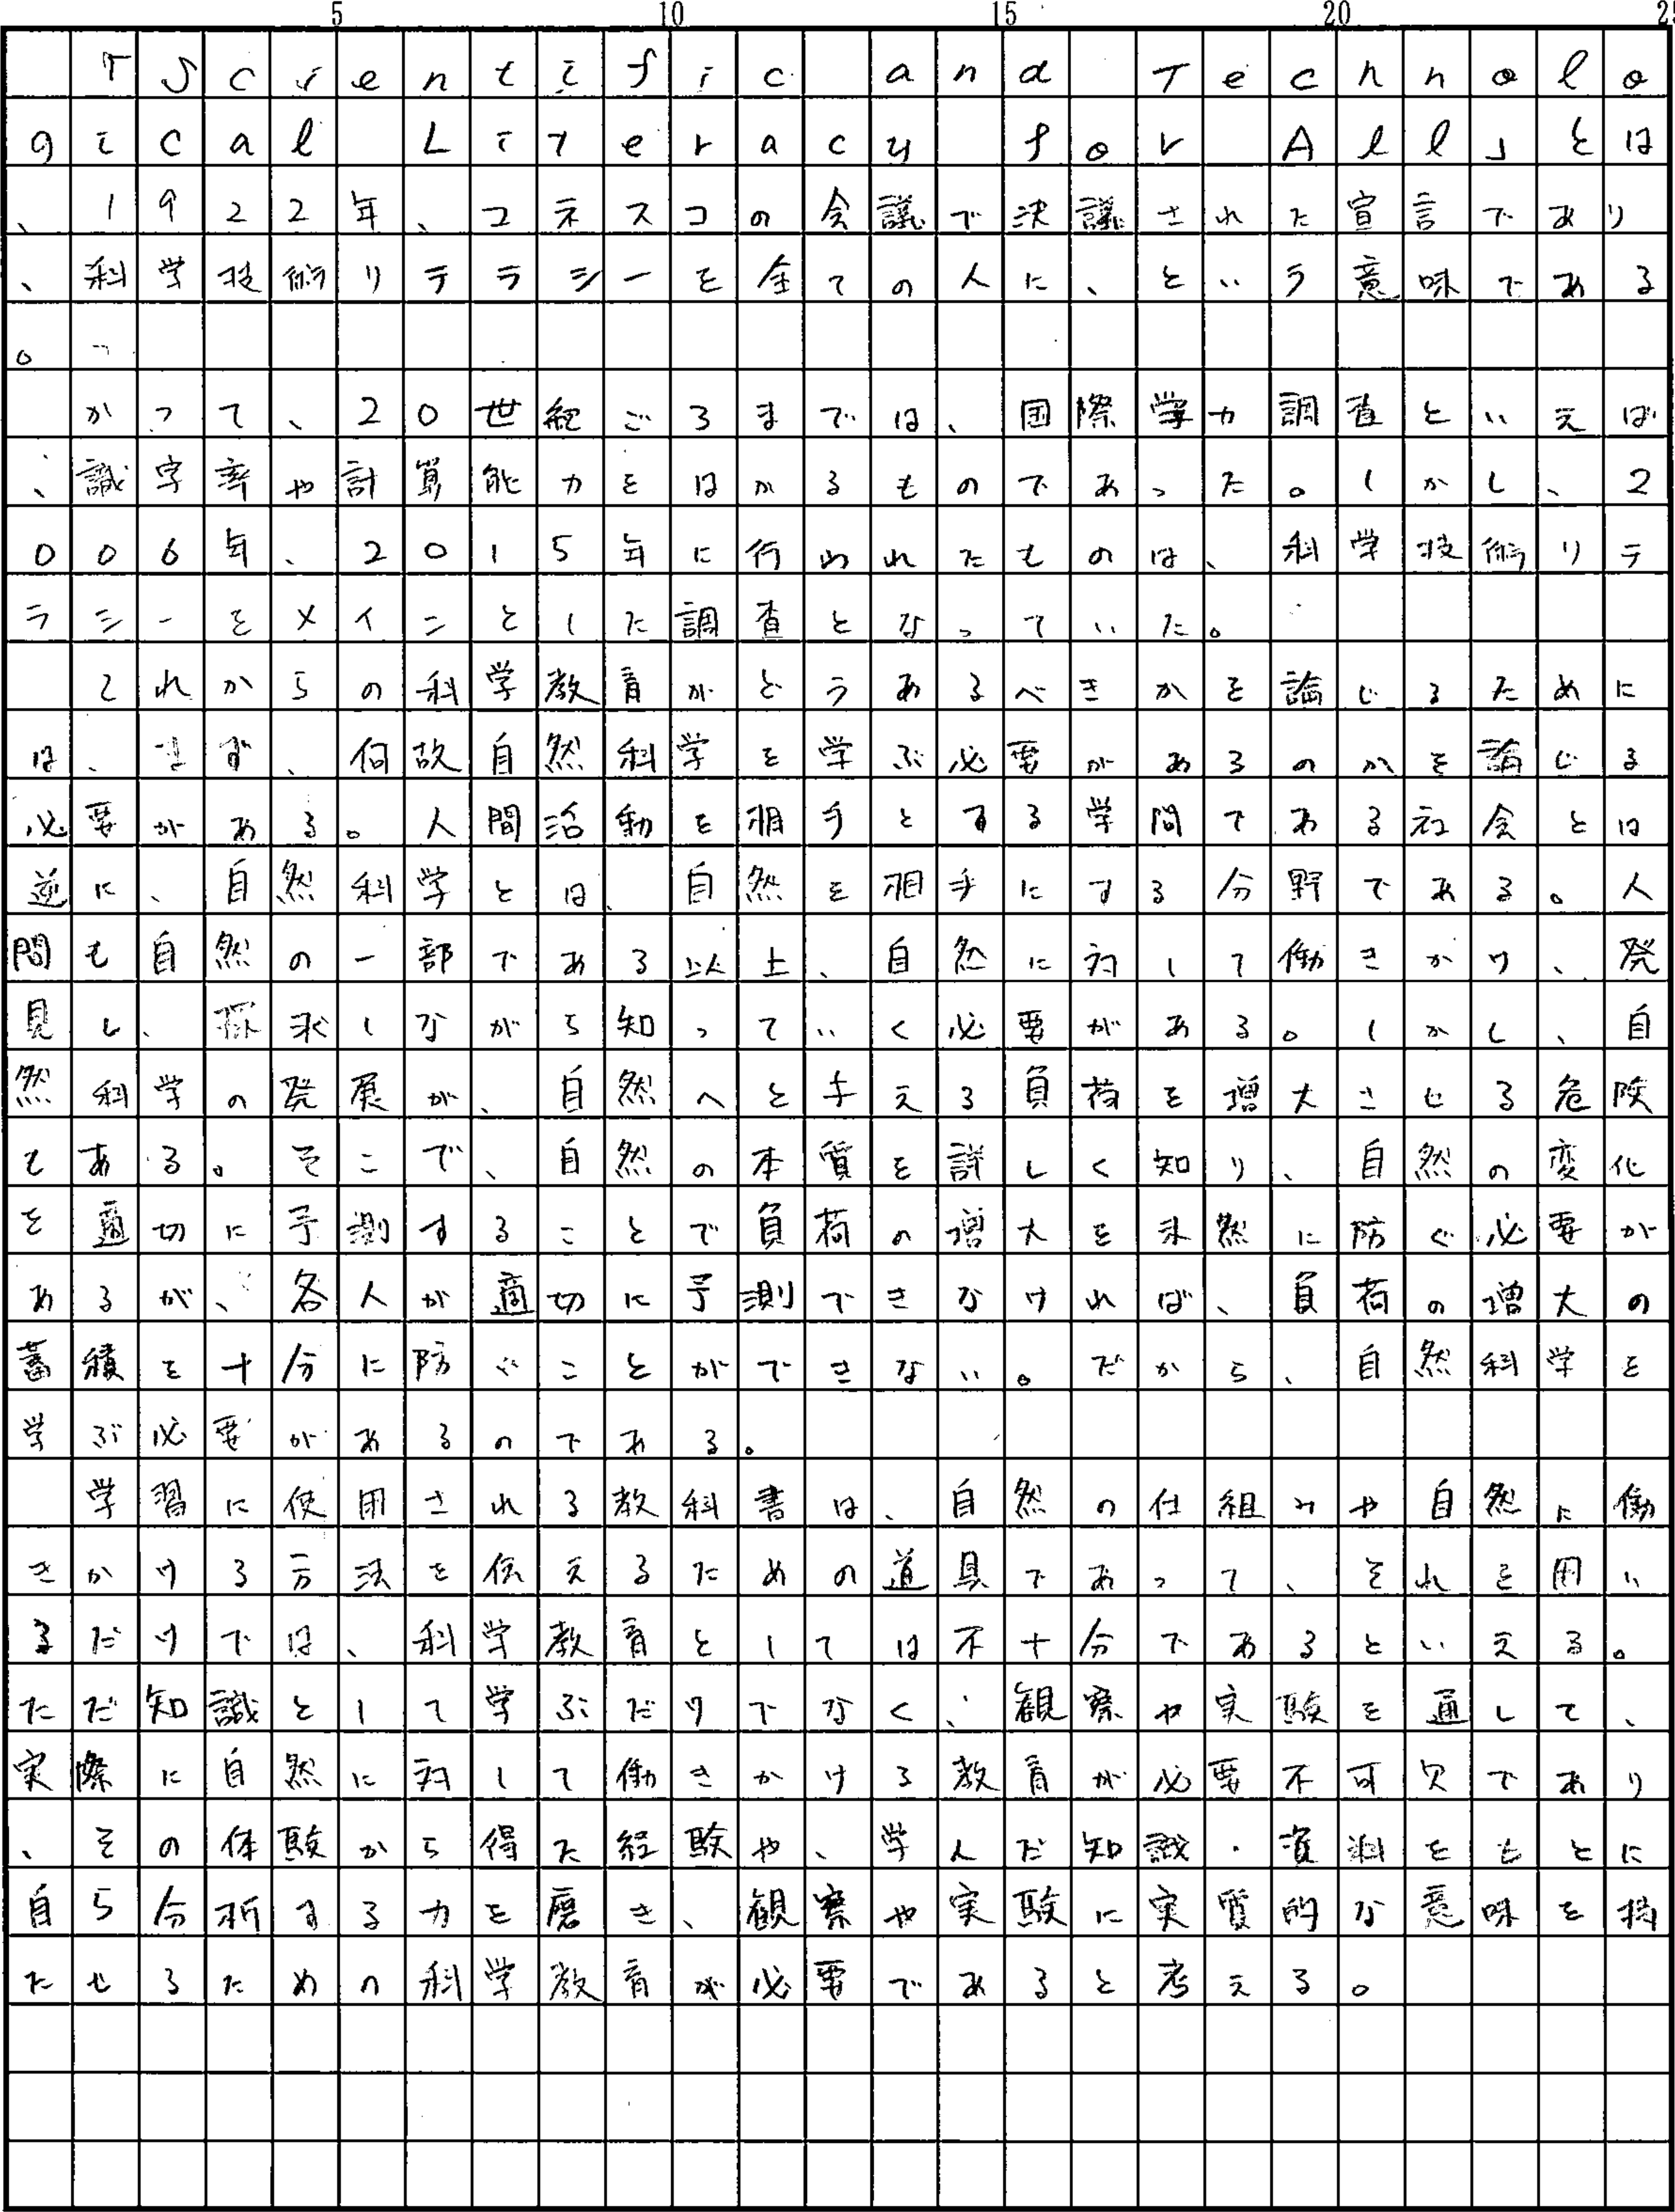　「Ｓｃｉｅｎｔｉｆｉｃ　ａｎｄ　Ｔｅｃｈｎｏｌｏｇｉｃａｌ　Ｌｉｔｅｒａｃｙ　ｆｏｒ　Ａｌｌ」とは、１９２２年、ユネスコの会議で決議された宣言であり、科学技術リテラシーを全ての人に、という意味である。
　かつて、２０世紀ごろまでは、国際学力調査といえば、識字率や計算能力をはかるものであった。しかし、２００６年、２０１５年に行われたものは、科学技術リテラシーをメインとした調査となっていた。
　これからの科学教育がどうあるべきかを論じるためには、まず、何故自然科学を学ぶ必要があるのかを論じる必要がある。人間活動を相手とする学問である社会とは逆に、自然科学とは、自然を相手にする分野である。人間も自然の一部である以上、自然に対して働きかけ、発見し、探求しながら知っていく必要がある。しかし、自然科学の発展が、自然へと与える負荷を増大させる危険もある。そこで、自然の本質を詳しく知り、自然の変化を適切に予測することで負荷の増大を未然に防ぐ必要があるが、各人が適切に予測できなければ、負荷の増大の蓄積を十分に防ぐことができない。だから、自然科学を学ぶ必要があるのである。
　学習に使用される教科書は、自然の仕組みや自然に働きかける方法を伝えるための道具であって、それを用いるだけでは、科学教育としては不十分であるといえる。ただ知識として学ぶだけでなく、観察や実験を通して、実際に自然に対して働きかける教育が必要不可欠であり、その体験から得た経験や、学んだ知識・資料をもとに自ら分析する力を磨き、観察や実験に実質的な意味を持たせるための科学教育が必要であると考える。
